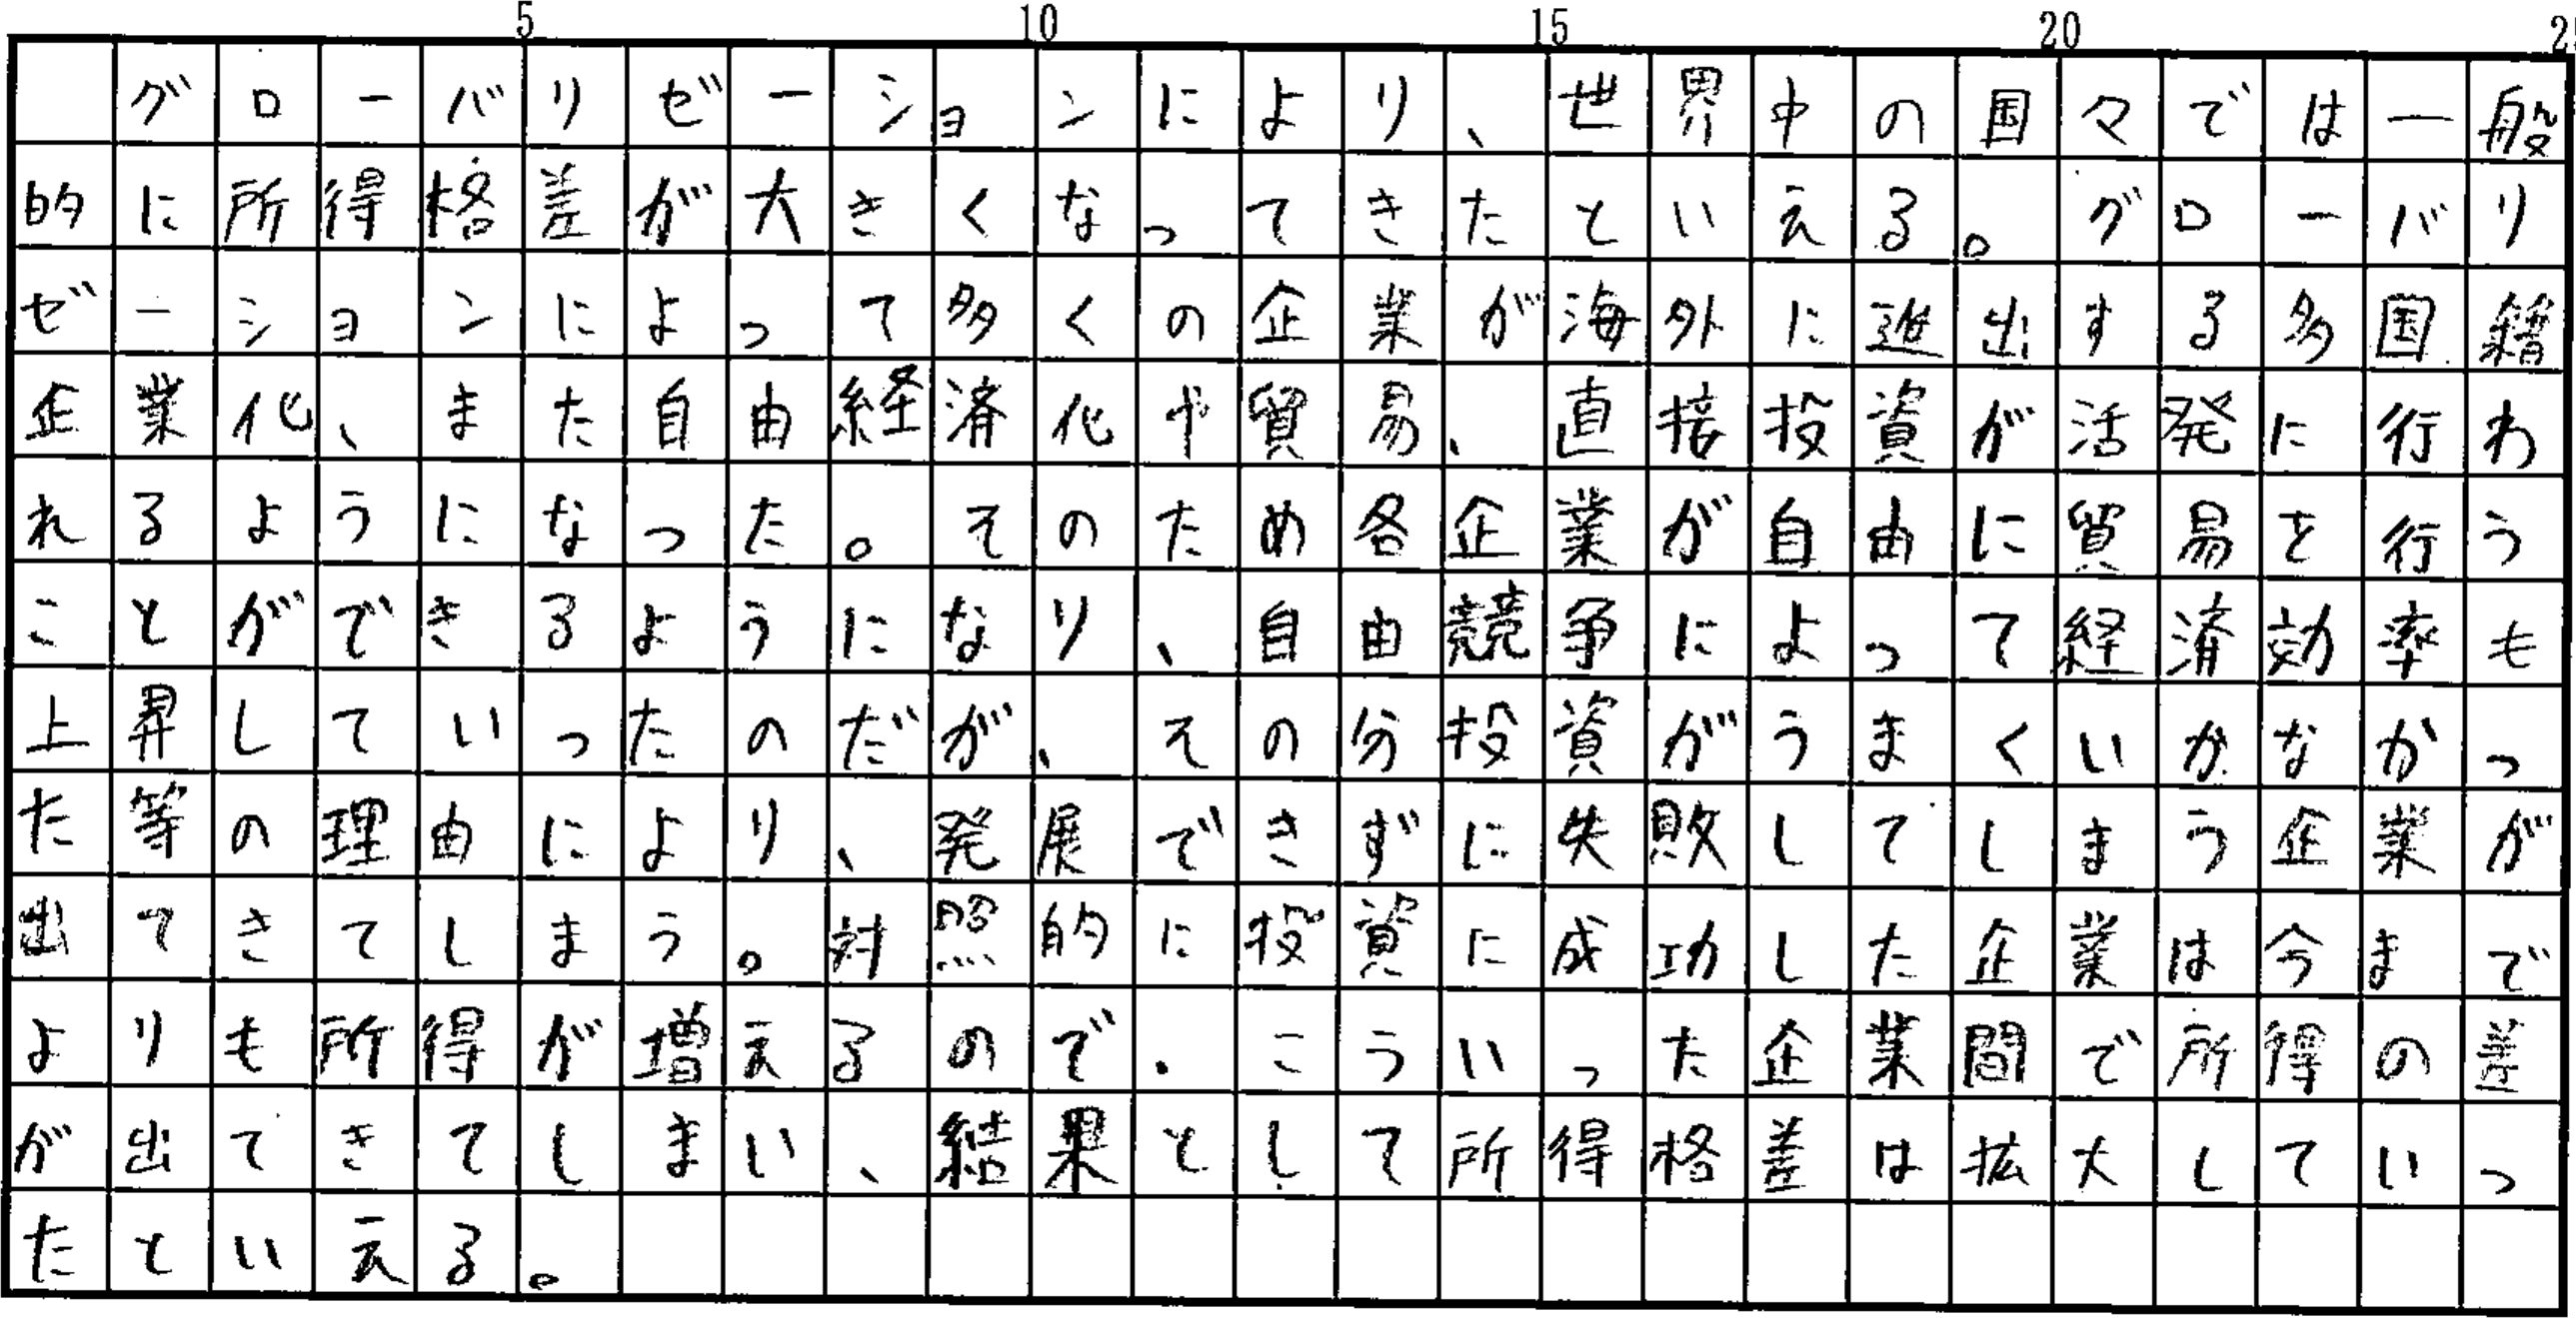　グローバリゼーションにより、世界中の国々では一般的に所得格差が大きくなってきたといえる。グローバリゼーションによって多くの企業が海外に進出する多国籍企業化、また自由経済化や貿易、直接投資が活発に行われるようになった。そのため各企業が自由に貿易を行うことができるようになり、自由競争によって経済効率も上昇していったのだが、その分投資がうまくいかなかった等の理由により、発展できずに失敗してしまう企業が出てきてしまう。対照的に投資に成功した企業は今までよりも所得が増えるので、こういった企業間で所得の差が出てきてしまい、結果として所得格差は拡大していったといえる。
